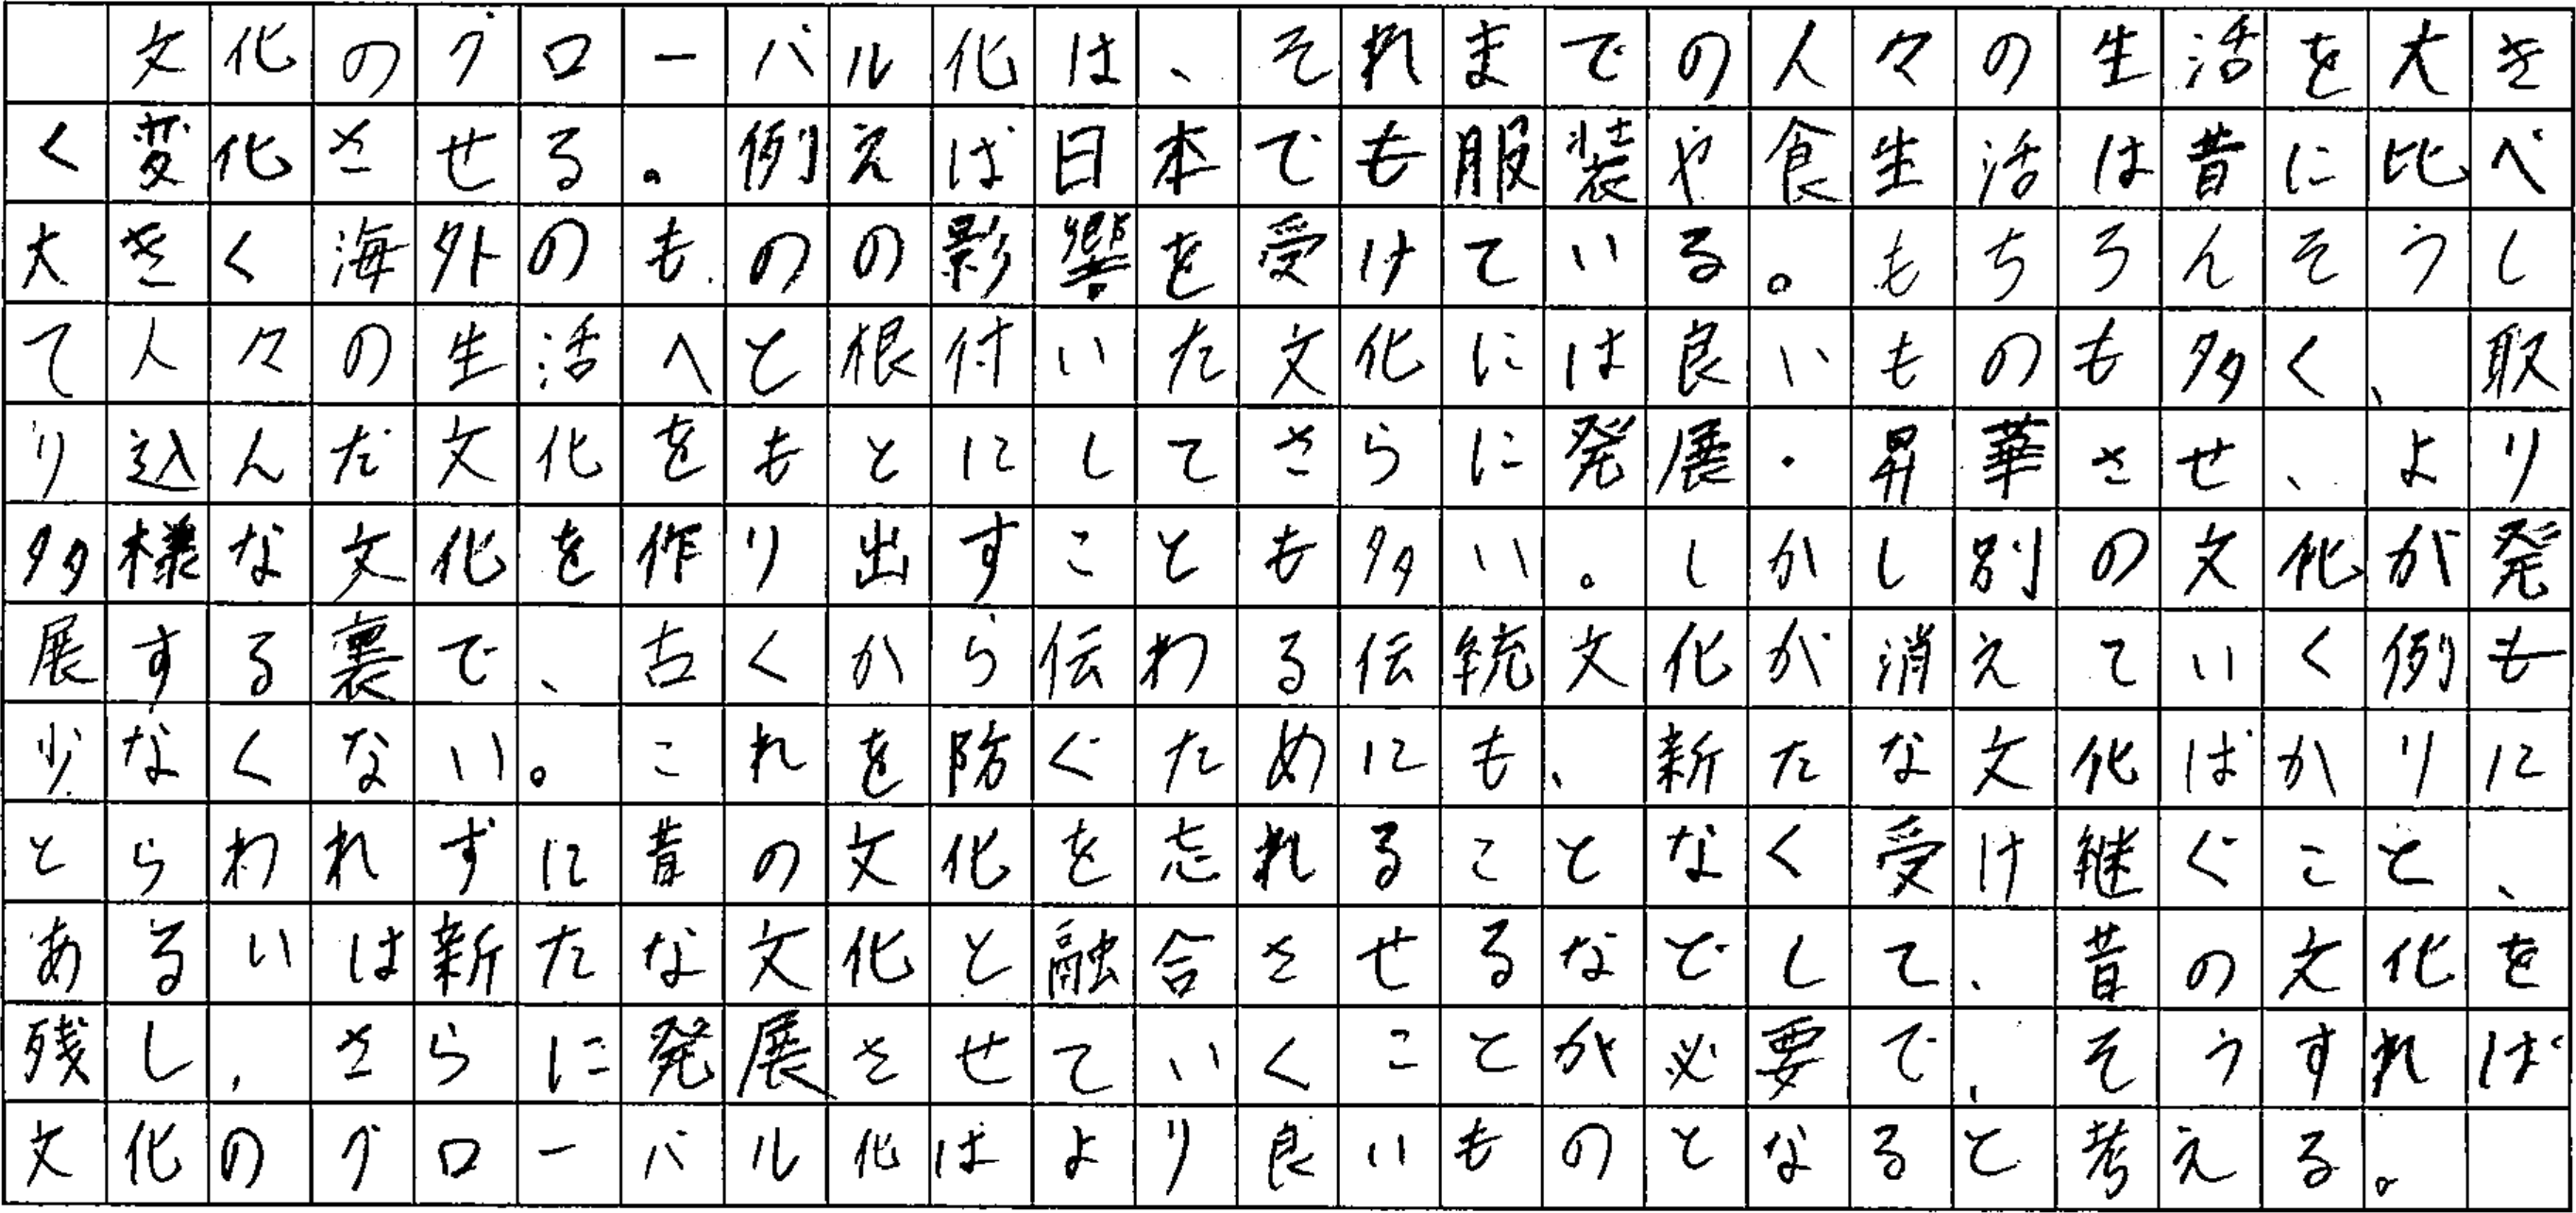　文化のグローバル化は、それまでの人々の生活を大きく変化させる。例えば日本でも服装や食生活は昔に比べ大きく海外のものの影響を受けている。もちろんそうして人々の生活へと根付いた文化には良いものも多く、取り込んだ文化をもとにしてさらに発展・昇華させ、より多様な文化を作り出すことも多い。しかし別の文化が発展する裏で、古くから伝わる伝統文化が消えていく例も少なくない。これを防ぐためにも、新たな文化ばかりにとらわれずに昔の文化を忘れることなく受け継ぐこと、あるいは新たな文化と融合させるなどして、昔の文化を残し、さらに発展させていくことが必要で、そうすれば文化のグローバル化はより良いものとなると考える。
